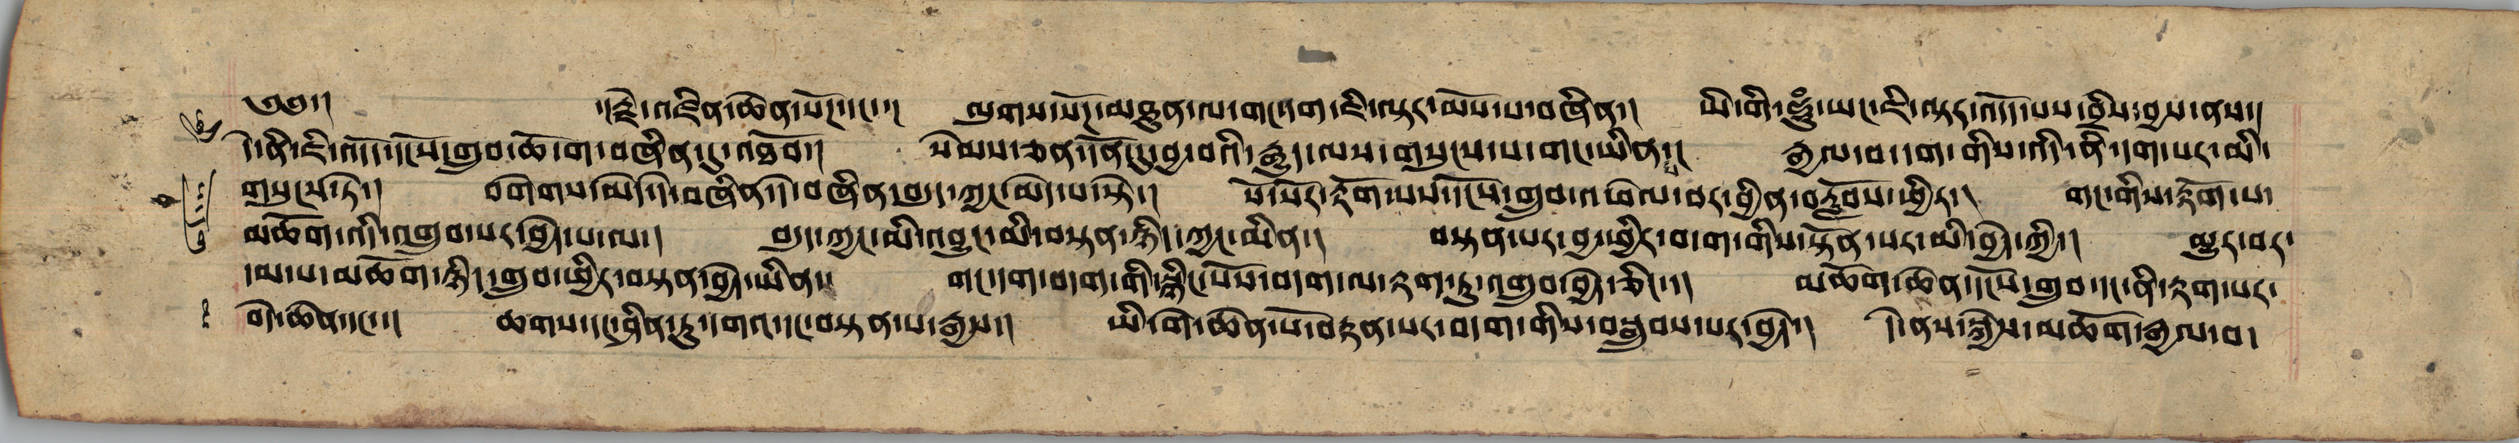༄༅་།་ ་།རྗེ་འཛིན་ཆེན་སོཌ་དང་། ལུགས་སོཌ་མཐུན་ལ་གང་དག་ཇི་ལྟར་མོས་པ་བཞིན་། ཡི་གེ་ཧཱུཾ་ཡང་ཇི་ལྟར་འདོད་པས་བྲིས་བྱས་ནས་།
དེ་ནི་ཇི་འདོད་དངོས་གྲུབ་ཆོ་ག་བཞིན་དུ་འཐོབ་། སེམས་ཅན་དོན་དུ་བྱ་བའི་རྒྱུད་ལས་གསུངས་པ་གང་ཡིན་པ་། རྒྱལ་བ་དག་གིས་འདི་ནི་དག་པར་མི་
གསུངས་ཏེ་། བགེགས་མེད་དེ་བཞིན་དེ་བཞིན་བདུད་ཀྱང་མེད་པ་སྟེ་། སོ་སོར་རྟོག་པས་དངོས་གྲུབ་འཕེལ་བར་བྱིན་བརློབས་ཕྱིར་། གང་གིས་རྟོག་པ་
མཆོག་འདི་འགྲུབ་པར་བྱེད་པ་ལ་། བདུད་ཀྱང་མི་འབྱུང་མི་བསྟན་ཉིད་ཀྱང་མིན་། བསྟན་པར་བྱ་ཕྱིར་བདག་གིས་སྟོན་པར་མི་བྱེད་ཀྱི་། མྱུར་བར་
དམ་པ་མཆོག་ཉིད་གྲུབ་ཕྱིར་བསྟན་བྱེད་ཡིན་། གང་དག་བདག་གི་སྙིང་པོས་བདག་ལ་རྟག་ཏུ་འགྲུབ་བྱེད་ཅིང་་། མཆོག་ཆེན་དངོས་གྲུབ་དང་ནི་རྟག་པར་
བདེ་ཆེན་དང་་། ཆགས་དང་ཤིན་ཏུ་དགའ་དང་བསྟན་པ་རྒྱས་། ཡི་གེ་ཆེན་པོ་བརྟན་པར་བདག་གིས་བསྒྲུབས་པར་བྱེད་། དེ་ནས་སྐྱེས་མཆོག་རྒྱལ་བ་